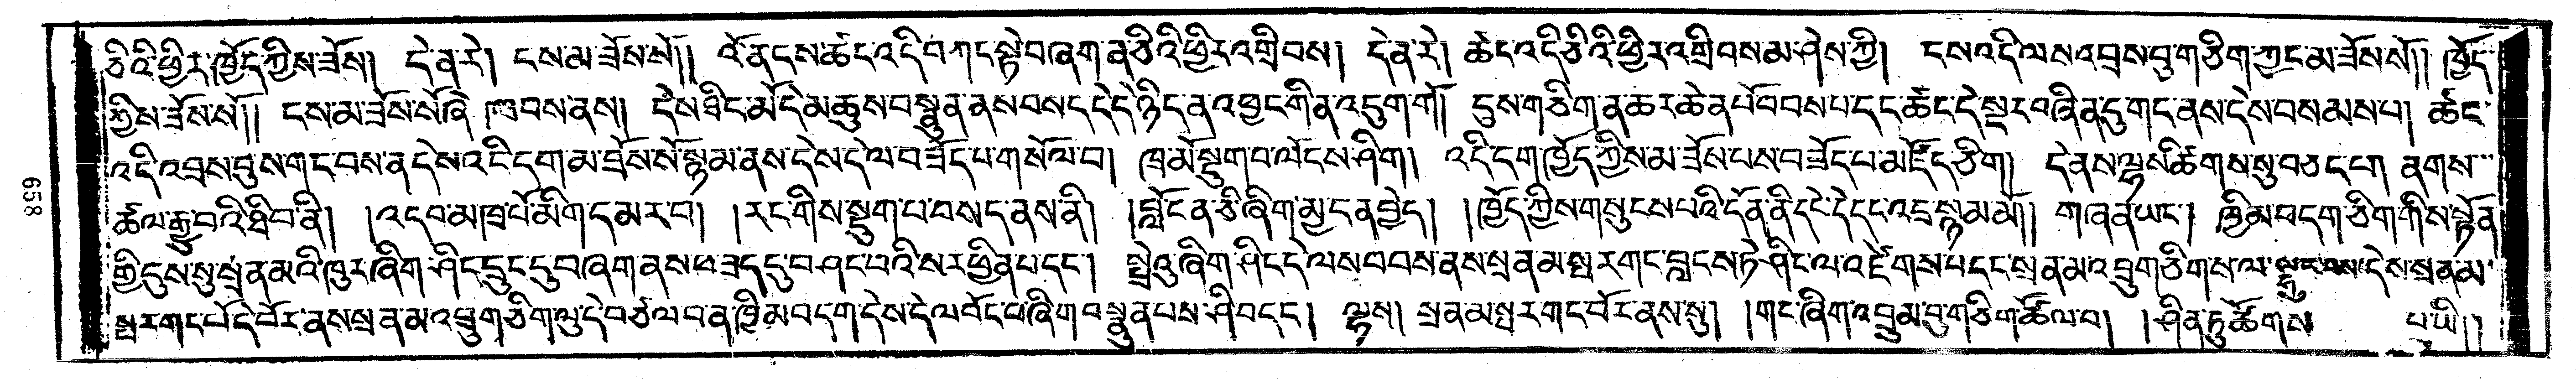ཅིའི་ཕྱིར་ཁྱོད་ཀྱིས་ཟོས། དེ་ན་རེ། ངས་མ་ཟོས་སོ།། འོ་ནངས་ཚང་འདི་བཀང་སྟེ་བཞག་ན་ཅིའི་ཕྱིར་འགྲིབས། དེ་ན་རེ། ཚང་འདི་ཅིའི་ཕྱིར་འགྲིབས་མ་ཤེས་ཀྱི། ངས་འདི་ལས་འབྲས་བུ་གཅིག་ཀྱང་མ་ཟོས་སོ།། ཁྱོད་
ཀྱིས་ཟོས་སོ། །ངས་མ་ཟོས་སོ་ཞེ་ཁབས་ནས། དེས་ཐིང་མོ་དེ་མཆུས་བསྣུན་ནས་བསད་དེ་དེ་ཉིད་ན་འཕྱང་གི་ན་འདུག་གོ། དུས་གཅིག་ན་ཆར་ཆེན་པོ་བབས་པ་དང་ཚང་དེ་སྔར་བཞིན་དུ་གང་ནས་དེས་བསམས་པ། ཚང་
འདི་འབྲས་བུས་གང་བས་ན་དེས་འདི་དག་མ་བྲོས་སོ་སྙམ་ནས་དེས་དེ་ལ་བཟོད་པ་གསོལ་བ། ཁྲ་མོ་སྡུག་བ་ལོངས་ཤིག། འདི་དག་ཁྱོད་ཀྱིས་མ་ཟོས་པས་བཟོད་པ་མཛོད་ཅིག། དེ་ནས་ལྷས་ཚིགས་སུ་བཅང་པ། ནགས་
ཚལ་རྒྱུ་བའི་ཐིབ་ནི། །འདབ་མ་ཁྲ་པོ་མིག་དམར་བ། །རང་གིས་སྡུག་པ་བསད་ནས་ནི། །བློ་ངན་ཅི་ཞིག་མྱ་ངན་བྱེད། །ཁྱོད་ཀྱིས་གསུངས་པའི་དོན་ནི་དེང་དེ་དང་འདྲ་སྙམ་མོ།། གཞན་ཡང་། ཁྱིམ་བདག་ཅིག་གིས་སྟོན་
གྱི་དུས་སུ་སྲན་མའི་ཁུར་ཞིག་ཤིང་དྲུང་དུ་བཞག་ནས་ཕ་ཟད་དུ་བཤང་བའི་སར་ཕྱིན་པ་དང་། སྤྲེའུ་ཞིག་ཤིང་དེ་ལས་བབས་ནས་སྲན་མ་སྤར་གང་བླངས་ཏེ་ཤིང་ལ་འཛེགས་པ་དང་སྲན་མ་འབྲུ་གཅིག་ས་ལ་ལྷུང་བས་དེས་སྲན་མ་
སྤར་གང་པོ་དེ་བོར་ནས་སྲན་མ་འབྲུག་ཅིག་ལུ་དེ་བཙལ་བ་ན་ཁྱིམ་བདག་དེས་དེ་ལ་བོང་བ་ཞིག་བསྣུན་པས་ཤི་བ་དང་། ལྷས། སྲན་མ་སྤར་གང་བོར་ནས་སུ། །གང་ཞིག་འབྲུམ་བུ་གཅིག་ཚོལ་བ། །ཤིན་ཏུ་ཚོགས་པ་ཡི།།